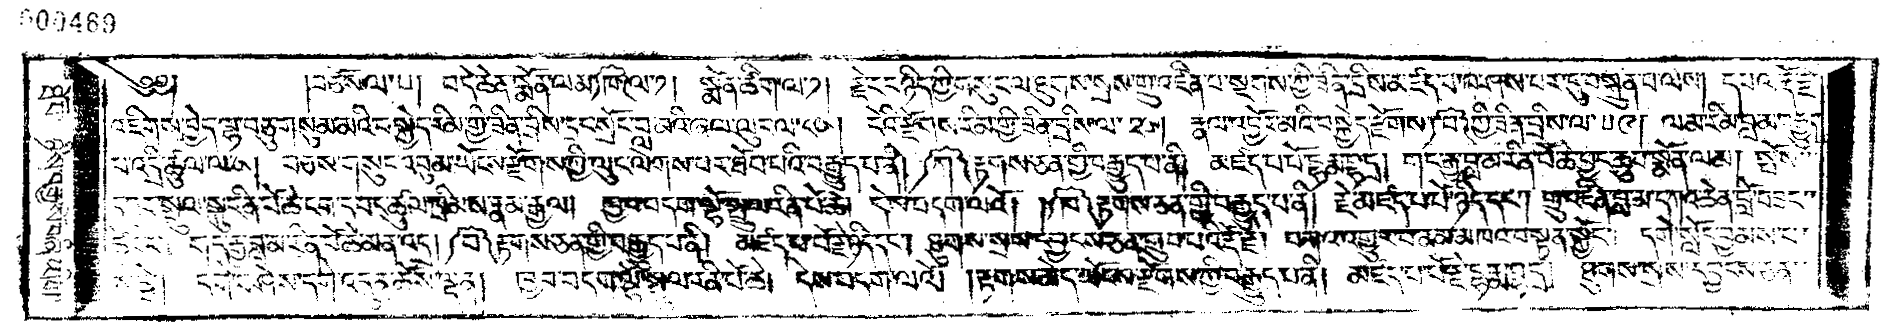༄༅། །བཅོས་ལ ༥། བདེ་ཆེན་སྨོན་ལམ ༼ཁ༽ ལ ༡། སྨོན་ཚིག་ལ ༡། རྗེ་རང་ཉིད་ཀྱི་གསུང་ལ་ཐུགས་སྲས་གྲུ་འཛིན་པ་སྔགས་ཀྱི་ཟིན་བྲིས་མཛད་པ་ཁ་ཤས་པར་དུ་བསྐྲུན་པ་ལས། དཔལ་རྡོ་རྗེ་
འཇིགས་བྱེད་ལྷ་བཅུ་གསུམ་མའི་བསྐྱེད་རིམ་གྱི་ཟིན་ཟིས་དྲང་སྲོང་བླ་མའི་ཞལ་ལུང་ལ ༨༦། དེའི་རྫོགས་རིམ་གྱི་ཟིན་བྲིས་ལ ༢༦། རྣལ་འབྱོར་མའི་བསྐྱེད་རྫོགས ༼བ༽ ཀྱི་ཟིན་བྲིས་ལ ༤༩། ལམ་རིམ་བླ་མ་བརྒྱུད་
པ་འདྲི་ཚུལ་ལ ༦། བཅས་གསུང་འབུམ་ཡོངས་རྫོགས་ཀྱི་ལུང་ལེགས་པར་ཐོབ་པའི་བརྒྱུད་པ་ནི། ༼ཀ༽ རྟགས་ཅན་གྱི་བརྒྱུད་པ་ནི། མཛད་པ་པོ་དྷ་རྨབྷ་དྲ། གང་རྒྱུན་བླ་མ་རིན་པོ་ཆེ་བྱང་ཆུབ་སྨོན་ལམ། སྤོས་
དཀར་སྦྲུལ་སྐུ་རིན་པོ་ཆེ་དག་དབང་ཚུལ་ཁྲིམས་རྣམ་རྒྱལ། ཁྱབ་བ་དག་ལྷོ་སྤྲུལ་རིན་པོ་ཆེ། དེས་བདག་ལའོ། །༼ཁ༽ རྟགས་ཅན་གྱི་བརྒྱུད་པ་ནི། རྗེ་མཛེད་པ་པོ་ཉིད་དང་། གྲུ་འཛིན་བླ་མ་དཀའ་ཆེན་བློ་བཟང་
ཚེ་རིང་། གད་རྒྱ་བླ་མ་རི་པོ་ཆེ་མན་འད། ༼བ༽ རྟགས་ཅན་གྱི་བརྒྱུད་པ་ནི། མཛད་པ་པོ་རྗེ་ཉིད་དང་། ཐུགས་སྲས་དབྱངས་ཅན་གྲུབ་པའི་རྡོ་རྗེ། བཀའ་འགྱུར་བ་ནམ་ཁ་འབྶྟན་སྐྱོང་། དགེ་སློང་བྱམས་པ་
སེངྒེ། དགེ་བཤེས་དགེ་འདུན་ཆོས་ལྡན། ཁྱབ་བདག་ལྷོ་སྤྲུལ་རིན་པོ་ཆེ། དེས་བདག་ལའོ། །རྟགས་མེད་ཡོངས་རྫོགས་ཀྱི་བརྒྱུད་པ་ནི། མཛད་པ་པོ་རྗེ་དྷ་རྨ་བྷ་དྲ། ཐུགས་སྲས་དབྱངས་ཅན་